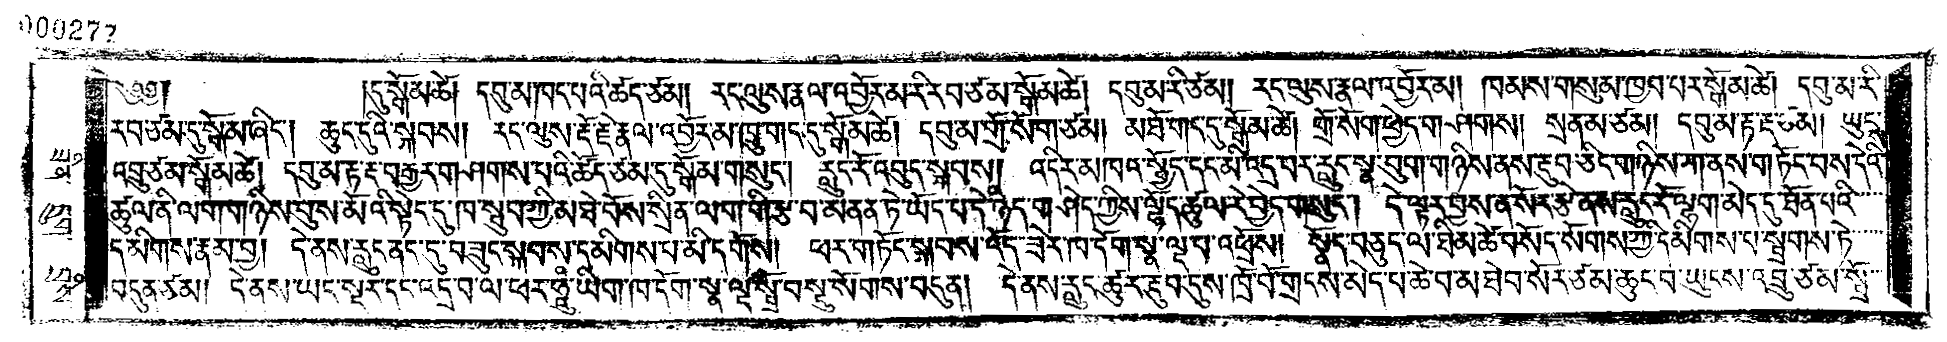༄༅། །དུ་སྒོམ་ཚེ། དབུ་མ་ཁང་པའི་ཚད་ཙམ། རང་ལུས་རྣལ་འབྱོར་མ་རི་རབ་ཙམ་སྒོམ་ཚེ། དབུ་མ་རི་ཙམ། རང་ལུས་རྣལ་འབྱོར་མ། ཁམས་གསུམ་ཁྱབ་པར་སྒོམ་ཚེ། དབུ་མ་རི་
རབ་ཙམ་དུ་སྒོམ་ཞིང་། ཆུང་ངུའི་སྐབས། རང་ལུས་རྡོ་རྗེ་རྣལ་འབྱོར་མ་ཁྲུ་གང་དུ་སྒོམ་ཚེ། དབུ་མ་གྲོ་སོག་ཙམ། མཐོ་གང་དུ་སྒོམ་ཚེ། གྲོ་སོག་ཕྱེད་གཤགས། སྲན་མ་ཙམ། དབུ་མ་རྟ་རྔ་ཙམ། ཡུངས་
འབྲུ་ཙམ་སྒོམ་ཚེ། དབུ་མ་རྟ་རྡ་བརྒྱར་གཤགས་པའི་ཚོད་ཙམ་དུ་སྒོམ་གསུང་། རླུང་རོ་འབུད་སྐབས། འདིར་མཁའ་སྤྱོད་དང་མི་འདྲ་བར་རླུང་སྣ་བུག་གཉིས་ནས་རྔུབ་ཅིང་གཉིས་ཀ་ནས་གཏོང་བས་དེའི་
ཚུལ་ནི་ལག་གཉིས་པུས་མོའི་སྟེང་དུ་ཁ་སྦུབ་ཀྱི་མཐེ་བོས་སྲིན་ལག་གི་རྩ་བ་མནན་ཏེ་ཡོད་པ་དེ་ཉིད་གཤེད་ཀྱིས་ལྷོད་ཚུལ་རེ་བྱེད་གསུང་། དེ་ལྟར་བྱས་ན་སོར་རྩེ་ནས་རླུང་རོ་ལྷག་མེད་དུ་ཐོན་པའི་
དམིགས་རྣམ་བྱ། དེ་ནས་རླུང་ནང་དུ་བཟུང་སྐབས་དམིགས་པ་མི་དགོས། ཕར་གཏོང་སྐབས་འོད་ཟེར་ཁ་དོག་སྣ་ལྔ་པ་འཕྲོས། སྣོད་བཅུད་ལ་ཐིམ་ཚེ་བསོད་སོགས་ཀྱི་དམིགས་པ་སྦྲགས་ཏེ་
བདུན་ཙམ། དེ་ནས་ཡང་སྔར་དང་འདྲ་བ་ལ་ཕར་ཧཱུཾ་ཡིག་ཁ་དོག་སྣ་ལྔ་སྤྲོ་བསྡུ་སོགས་བདུན། དེ་ནས་རླུང་ཚུར་རྡུབ་དུས་ཁྲོ་བོ་གྲངས་མེད་པ་ཆེ་བ་མཐེབ་སོར་ཙམ་ཆུང་བ་ཡུངས་འབྲུ་ཙམ་སྤྲོ་